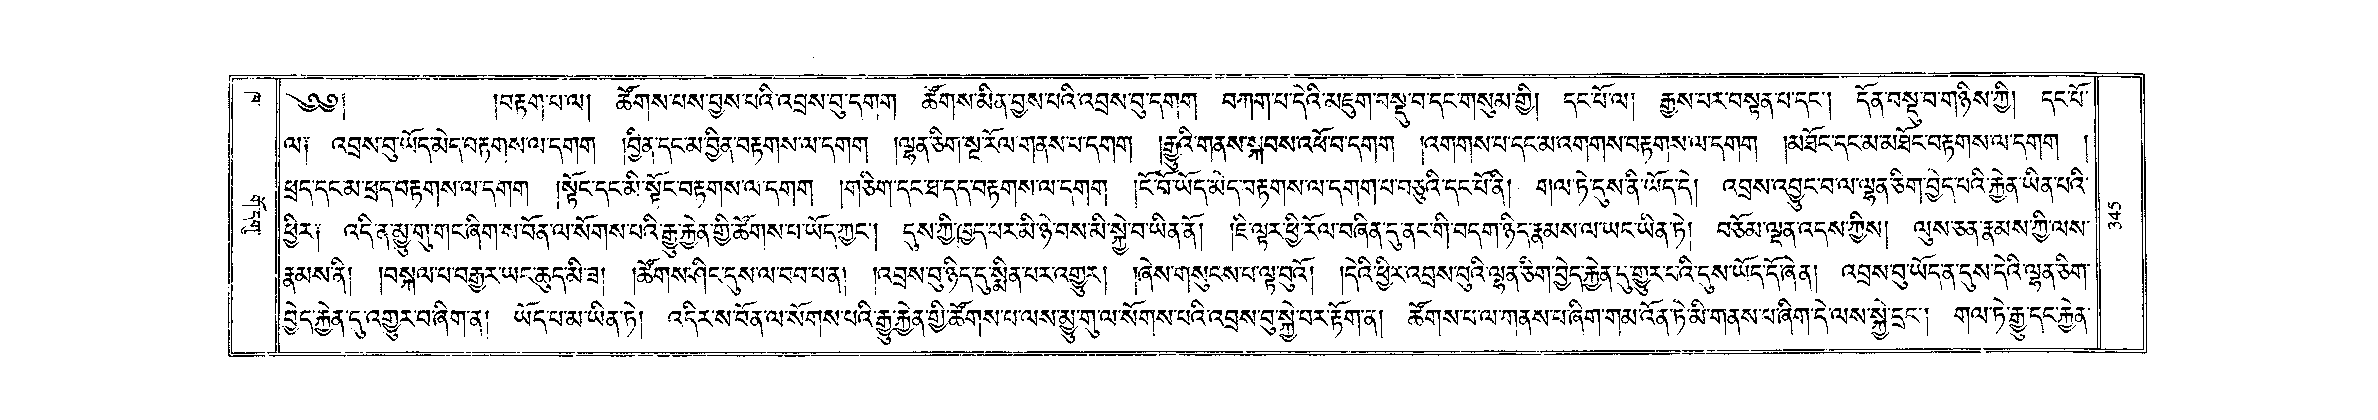༄༅། །བརྟག་པ་ལ། ཚོགས་པས་བྱས་པའི་འབྲས་བུ་དགག་ཚོགས་མིན་བྱས་པའི་འབྲས་བུ་དགག་བཀག་པ་དེའི་མཇུག་བསྡུ་བ་དང་གསུམ་གྱི། དང་པོ་ལ། རྒྱས་པར་བསྟན་པ་དང་། དོན་བསྡུ་བ་གཉིས་ཀྱི། དང་པོ་
ལ༑ འབྲས་བུ་ཡོད་མེད་བརྟགས་ལ་དགག །བྱིན་དང་མ་བྱིན་བརྟགས་ལ་དགག །ལྷན་ཅིག་སྔ་རོལ་གནས་པ་དགག །རྒྱུའི་གནས་སྐབས་འཕོ་བ་དགག །འགགས་པ་དང་མ་འགགས་བརྟགས་ལ་དགག །མཐོང་དང་མ་མཐོང་བརྟགས་ལ་དགག །
ཕྲད་དང་མ་ཕྲད་བརྟགས་ལ་དགག །སྟོང་དང་མི་སྟོང་བརྟགས་ལ་དགག །གཅིག་དང་ཐ་དད་བརྟགས་ལ་དགག །ངོ་བོ་ཡོད་མེད་བརྟགས་ལ་དགག་པ་བཅུའི་དང་པོ་ནི། གལ་ཏེ་དུས་ནི་ཡོད་དེ། འབྲས་འབྱུང་བ་ལ་ལྷན་ཅིག་བྱེད་པའི་རྐྱེན་ཡིན་པའི་
ཕྱིར༑ འདི་ན་མྱུ་གུ་གང་ཞིག་ས་བོན་ལ་སོགས་པའི་རྒྱུ་རྐྱེན་གྱི་ཚོགས་པ་ཡོད་ཀྱང་། དུས་ཀྱི་ཁྱད་པར་མི་ཉེ་བས་མི་སྐྱེ་བ་ཡིན་ནོ། །ཇི་ལྟར་ཕྱི་རོལ་བཞིན་དུ་ནང་གི་བདག་ཉིད་རྣམས་ལ་ཡང་ཡིན་ཏེ། བཅོམ་ལྡན་འདས་ཀྱིས། ལུས་ཅན་རྣམས་ཀྱི་ལས་
རྣམས་ནི། །བསྐལ་པ་བརྒྱར་ཡང་ཆུད་མི་ཟ། །ཚོགས་ཤིང་དུས་ལ་བབ་པ་ན། །འབྲས་བུ་ཉིད་དུ་སྨིན་པར་འགྱུར། །ཞེས་གསུངས་པ་ལྟ་བུའོ། །དེའི་ཕྱིར་འབྲས་བུའི་ལྷན་ཅིག་བྱེད་རྐྱེན་དུ་གྱུར་པའི་དུས་ཡོད་དོ་ཞེ་ན། འབྲས་བུ་ཡོད་ན་དུས་དེའི་ལྷན་ཅིག་
བྱེད་རྐྱེན་དུ་འགྱུར་བ་ཞིག་ན། ཡོད་པ་མ་ཡིན་ཏེ། འདིར་ས་བོན་ལ་སོགས་པའི་རྒྱུ་རྐྱེན་གྱི་ཚོགས་པ་ལས་མྱུ་གུ་ལ་སོགས་པའི་འབྲས་བུ་སྐྱེ་བར་རྟོག་ན། ཚོགས་པ་ལ་གནས་པ་ཞིག་གམ་འོན་ཏེ་མི་གནས་པ་ཞིག་དེ་ལས་སྐྱེ་དྲང་། གལ་ཏེ་རྒྱུ་དང་རྐྱེན་